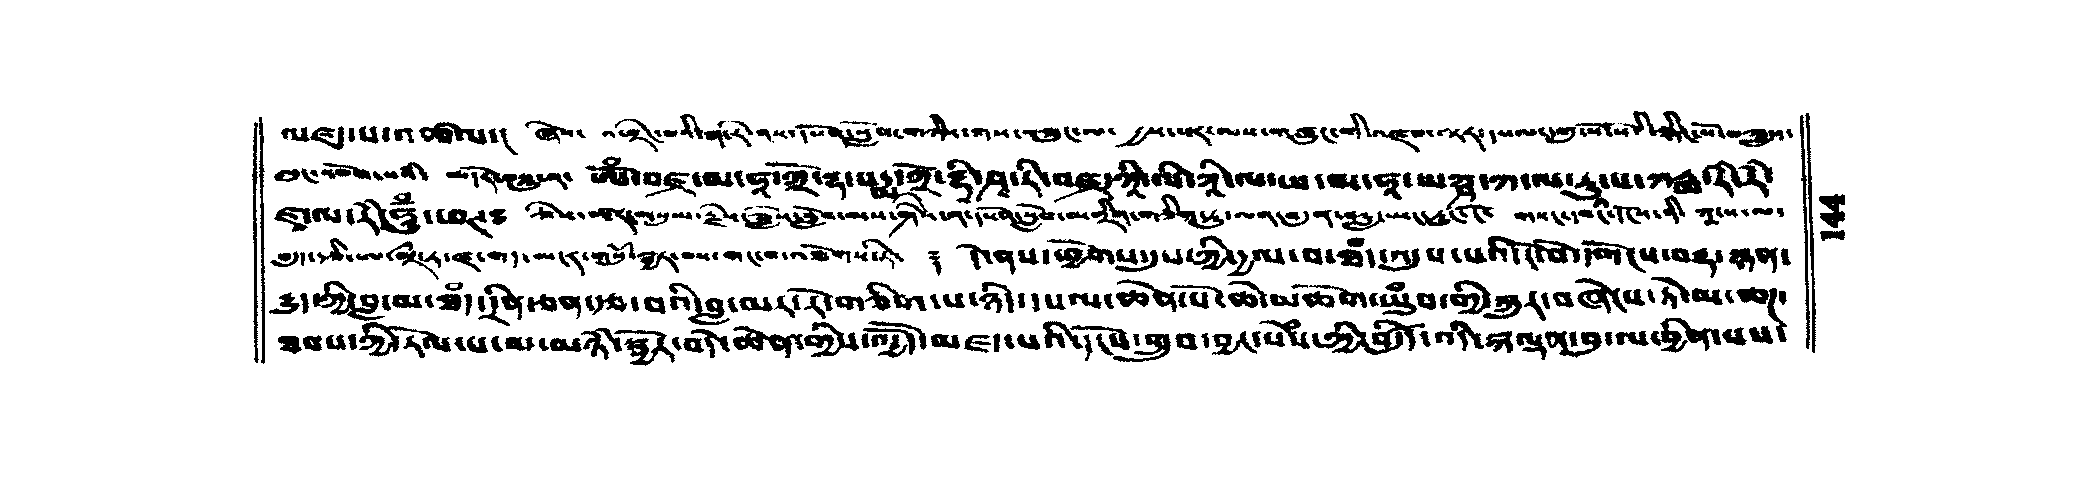མཛད་པ་འཚལ། ཞེས། འཕྲེང་བའི་སྣ་རེ་ནས་དཔོན་སློབ་གཉིས་ཀ་བཟུང་ལ། རྒྱས་པར་ལས་གཞུང་གི་འཛབ་ལྟར་དཔལ་དགུ་སོ་སོའི་སྙིང་པོ་བཟླས་
ལུང་འབོག་པའམ། མདོར་བསྡུ་ན།ཨོཾ་བཛྲ་མ་ཧ་ཀྲོ་དྷ་པདྨ་ཀྲོ་དྷཱི་ཤྭ་རི་བཛྲ་ཀཱི་ལི་ཀཱི་ལ་ཡ་མ་ཧཱ་ཡ་ཀྴ་ཀ་ལ་རཱུ་པ་ཀརྨ་རམ་རམ་
ཛྭ་ལ་རམ་ཧཱུྃ་ཕཊཿ ཅེས་ཚར་གསུམ་རྗེས་ཟློས་སློབ་མ་ངེས་ཤེས་ན་དཔོན་སློབ་མགྲིན་གཅིག་ཏུ་ལན་བདུན་བཟླ་ཡང་རུང་ངོ་། གསང་དབང་དངོས་ནི། ཀཱ་པ་ལ་
བདུད་རྩི་ཨ་མྲྀ་ཏ་ཛ་གད་མངར་གསུམ་སྦྱར་བས་གང་བ་བ་འཐོགས་ཏེ། ༈ དེ་ནས་ཕྱོགས་དུས་ཀྱི་རྒྱལ་བ་ཐམས་ཅད་འདུས་པའི་ངོ་བོ་དགོངས་བརྡ་སྙན་
རྒྱུད་ཀྱི་བླ་མ་ཐམས་ཅད་དྲིན་ཅན་རྩ་བའི་བླ་མར་རོ་གཅིག་པ་ཉིད་དཔལ་ཆེན་པོ་ཆེ་མཆོག་ཡབ་ཡུམ་གྱི་སྐུར་བཞེངས་ཏེ་མ་ཆགས་
ཐབས་ཀྱི་རོལ་པ་མ་མཉམ་སྦྱོར་བདེ་ཆེན་གྱིས་ལོངས་སྤྱོད་མཛད་པའི་དངོས་གྲུབ་བྱང་སེམས་ཀྱི་བདུད་རྩི་འདི་སྐལ་ལྡན་བུ་ལ་བྱིན་པས་